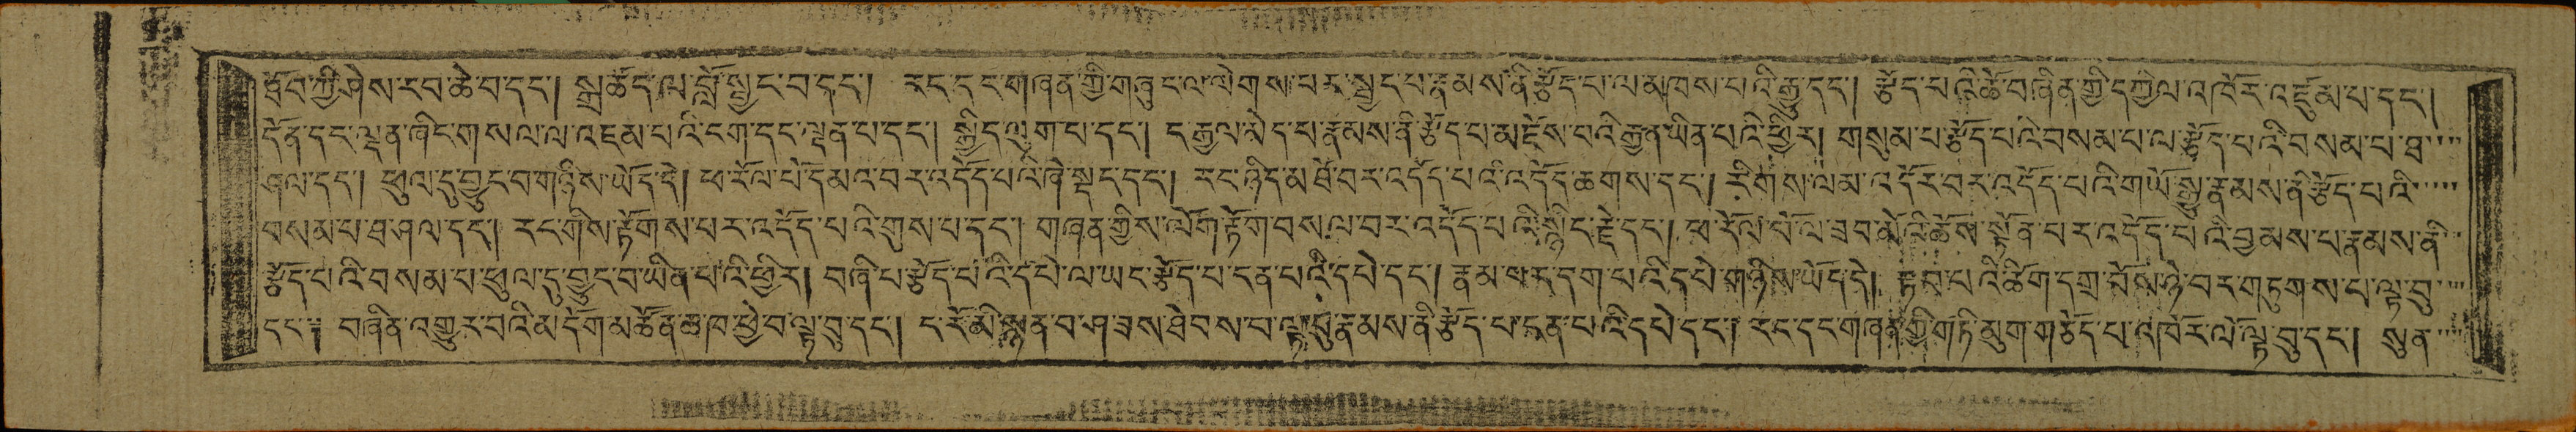ཐོབ་ཀྱི་ཤེས་རབ་ཆེ་བ་དང་། སྒྲ་ཚད་ལ་བློ་སྦྱང་བ་དང་། རང་དང་གཞན་གྱི་གཞུང་ལ་ལེགས་པར་སྦྱང་པ་རྣམས་ནི་རྩོད་པ་ལ་མཁས་པའི་རྒྱུ་དང་། རྩོད་པའི་ཚེ་བཞིན་གྱི་དཀྱིལ་འཁོར་འཛུམ་པ་དང་།
དོན་དང་ལྡན་ཞིང་གསལ་ལ་འཇམ་པའི་ངག་དང་ལྡན་པ་དང་། སྒྱིད་ལུག་པ་དང་། ང་རྒྱལ་མེད་པ་རྣམས་ནི་རྩོད་པ་མཛོས་པའི་རྒྱན་ཡིན་པའི་ཕྱིར། གསུམ་པ་རྩོད་པའི་བསམ་པ་ལ་རྩོད་པའི་བསམ་པ་ཐ་
ཤལ་དང་། ཕུལ་དུ་བྱུང་བ་གཉིས་ཡོད་དེ། ཕ་རོལ་པོ་དམའ་བར་འདོད་པའི་ཞེ་སྡང་དང་། རང་ཉིད་མཐོ་བར་འདོད་པའི་འདོད་ཆགས་དང་། རིགས་ལམ་འདོར་བར་འདོད་པའི་གཡོ་སྒྱུ་རྣམས་ནི་རྩོད་པའི་
བསམ་པ་ཐ་ཤལ་དང་། རང་གིས་རྟོགས་པར་འདོད་པའི་གུས་པ་དང་། གཞན་གྱིས་ལོག་རྟོག་བསལ་བར་འདོད་པའི་སྙིང་རྗེ་དང་། ཕ་རོལ་པོ་ལ་ཟབ་མོའི་ཆོས་སྟོན་པར་འདོད་པའི་བྱམས་པ་རྣམས་ནི་
རྩོད་པའི་བསམ་པ་ཕུལ་དུ་བྱུང་བ་ཡིན་པའི་ཕྱིར། བཞི་པ་རྩོད་པའི་དཔེ་ལ་ཡང་རྩོད་པ་ངན་པའི་དཔེ་དང་། རྣམ་པར་དག་པའི་དཔེ་གཉིས་ཡོད་དེ། རྟབ་པའི་ཚིག་དགྲ་བོས་ཉེ་བར་གཏུགས་པ་ལྟ་བུ་
དང༑ བཞིན་འགྱུར་བའི་མདོག་མཚོན་ཆ་ཁ་ཕྱེ་བ་ལྟ་བུ་དང་། ང་རོ་མི་སྙན་པ་ཤ་ཟས་ཐེབས་བ་ལྟ་བུ་རྣམས་ནི་རྩོད་པ་ངན་པའི་དཔེ་དང་། རང་དང་གཞན་གྱི་གཏི་མུག་གཅོད་པ་འཁོར་ལོ་ལྟ་བུ་དང་། སུན་